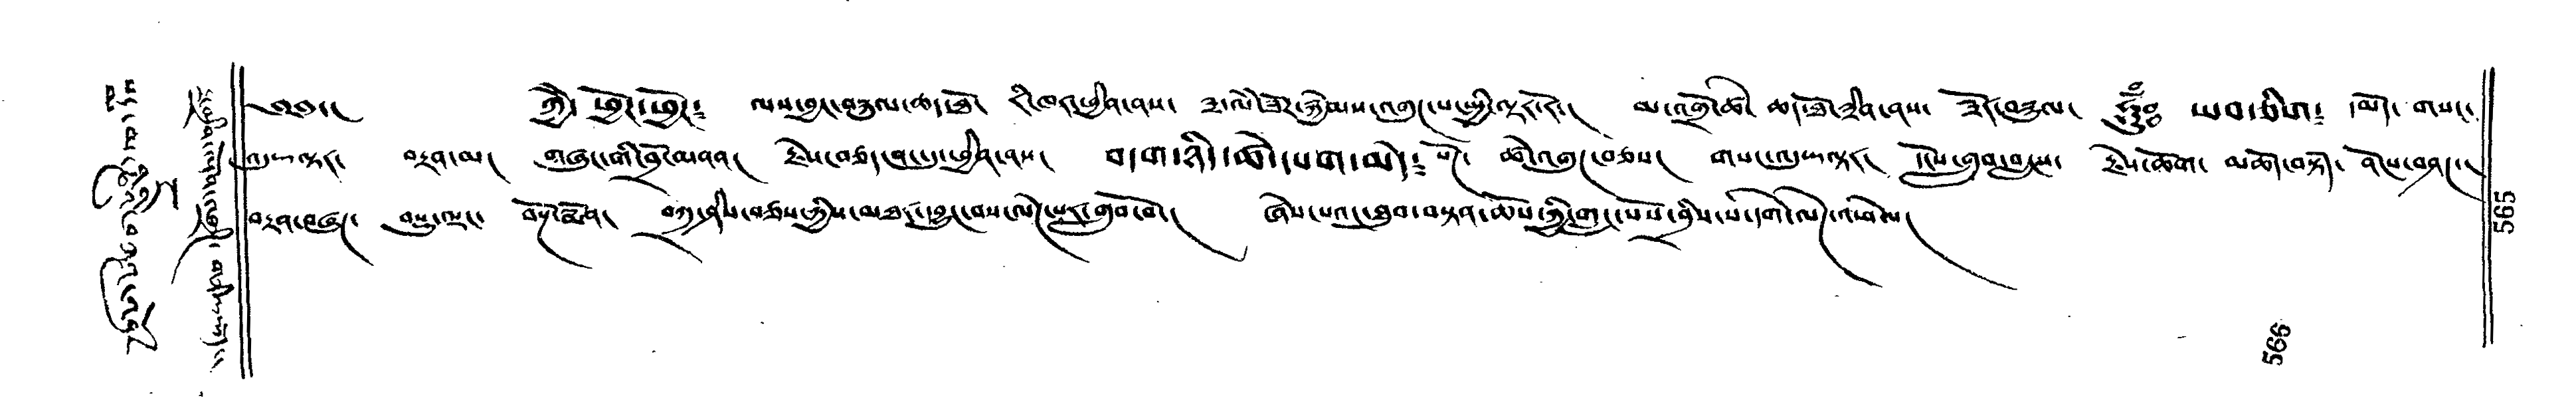ཀྱཻ། ཕྱོགས་ཕྱོགས༴ ལས་བྱང་བསྐུལ་ཆད་ཐོ། རི་ཁར་ཕྱིན་ནས། ཟ་ལམ་ཟོར་སྐྱེམས་འགུགས་པ་སྤྱི་ལྟར་རོ། མ་འགྲོ་ཚེ། ཆད་ཐོ་ཟིན་ནས། ཟོར་བསྐུལ། ཧཱུྃཿ ཡབ་ཅིག༴ དམོད། གསང་
འདུས་ལྟར། བརྟན་མ། གཞུང་གི་བྲོ་མནན། རྗེས་བཅད་ནང་དུ་ཕྱིན་ནས། བདག་ཉིད་ཚེ་དཔག་མེད༴ སོགས། ཚེ་འགུགས་བཅས། གསང་འདུས་ལྟར། དངོས་གྲུབ་བླང་། རྗེས་ཆོག མཆོད་བསྟོད། ནོངས་བཤགས། 
བརྟན་བཞུགས། བསྡུ་ལྡང་། བསྔོ་སྨོན། བཀྲ་ཤིས་བཅས་ཀྱིས་མཐར་དབྱུང་བས་ལེགས་པར་གྲུབ་བོ།། ཞེས་པའང་ཐུབ་བསྟན་ཆོས་ཀྱི་གླང་པོས་བྲིས་པ་དགེ་ལེགས་འཕེལ། མངྒ་ལཾ།།